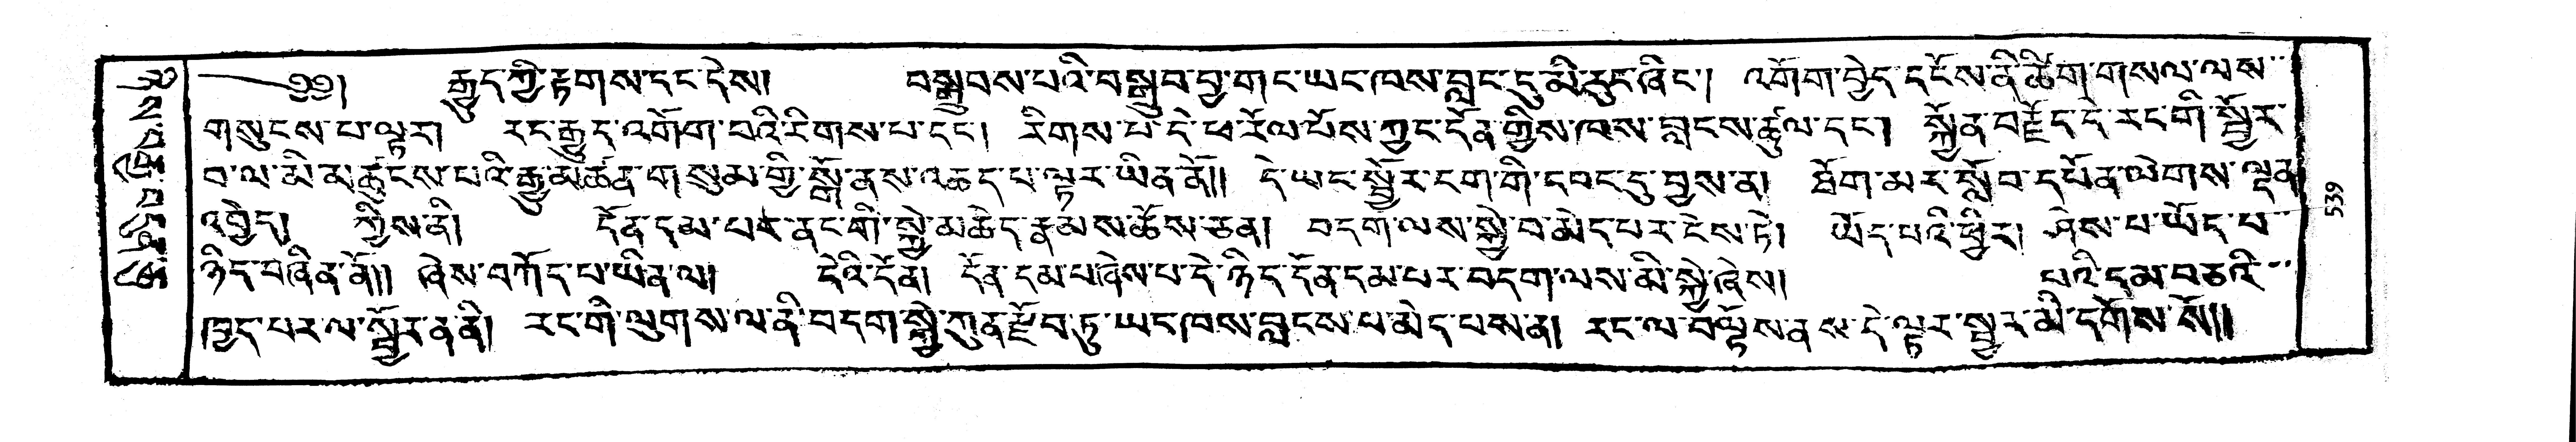༄༅། །རྒྱུད་ཀྱི་རྟགས་དང་དེས། བསྒྲུབས་པའི་བསྒྲུབ་བྱ་གང་ཡང་ཁས་བླང་དུ་མི་རུང་ཞིང་། འགོག་བྱེད་དངོས་ནི་ཚིག་གསལ་ལས་
གསུངས་པ་ལྟར། རང་རྒྱུད་འགོག་པའི་རིགས་པ་དང་། རིགས་པ་དེ་ཕ་རོལ་པོས་ཀྱང་དོན་གྱིས་ཁས་བླངས་ཚུལ་དང་། སྐྱོན་བརྗོད་དེ་རང་གི་སྦྱོར་
བ་ལ་མི་མཚུངས་པའི་རྒྱུ་མཚན་གསུམ་གྱི་སྒོ་ནས་འཆད་པ་ལྟར་ཡིན་ནོ། །དེ་ཡང་སྦྱོར་ངག་གི་དབང་དུ་བྱས་ན། ཐོག་མར་སློབ་དཔོན་ལེགས་ལྡན་
འབྱེད། ཀྱིས་ནི། དོན་དམ་པར་ནང་གི་སྐྱེ་མཆེད་རྣམས་ཆོས་ཅན། བདག་ལས་སྐྱེ་བ་མེད་པར་ངེས་ཏེ། ཡོད་པའི་ཕྱིར། ཤེས་པ་ཡོད་པ་
ཉིད་བཞིན་ནོ། །ཞེས་བཀོད་པ་ཡིན་ལ། དེའི་དོན། དོན་དམ་པ་ཞེས་པ་དེ་ཉིད་དོན་དམ་པར་བདག་ལས་མི་སྐྱེ་ཞེས། པའི་དམ་བཅའི་
ཁྱད་པར་ལ་སྦྱོར་ན་ནི། རང་གི་ལུགས་ལ་ནི་བདག་སྐྱེ་ཀུན་རྫོབ་ཏུ་ཡང་ཁས་བླངས་པ་མེད་པས་ན། རང་ལ་བལྟོས་ནས་དེ་ལྟར་སྦྱར་མི་དགོས་སོ། །